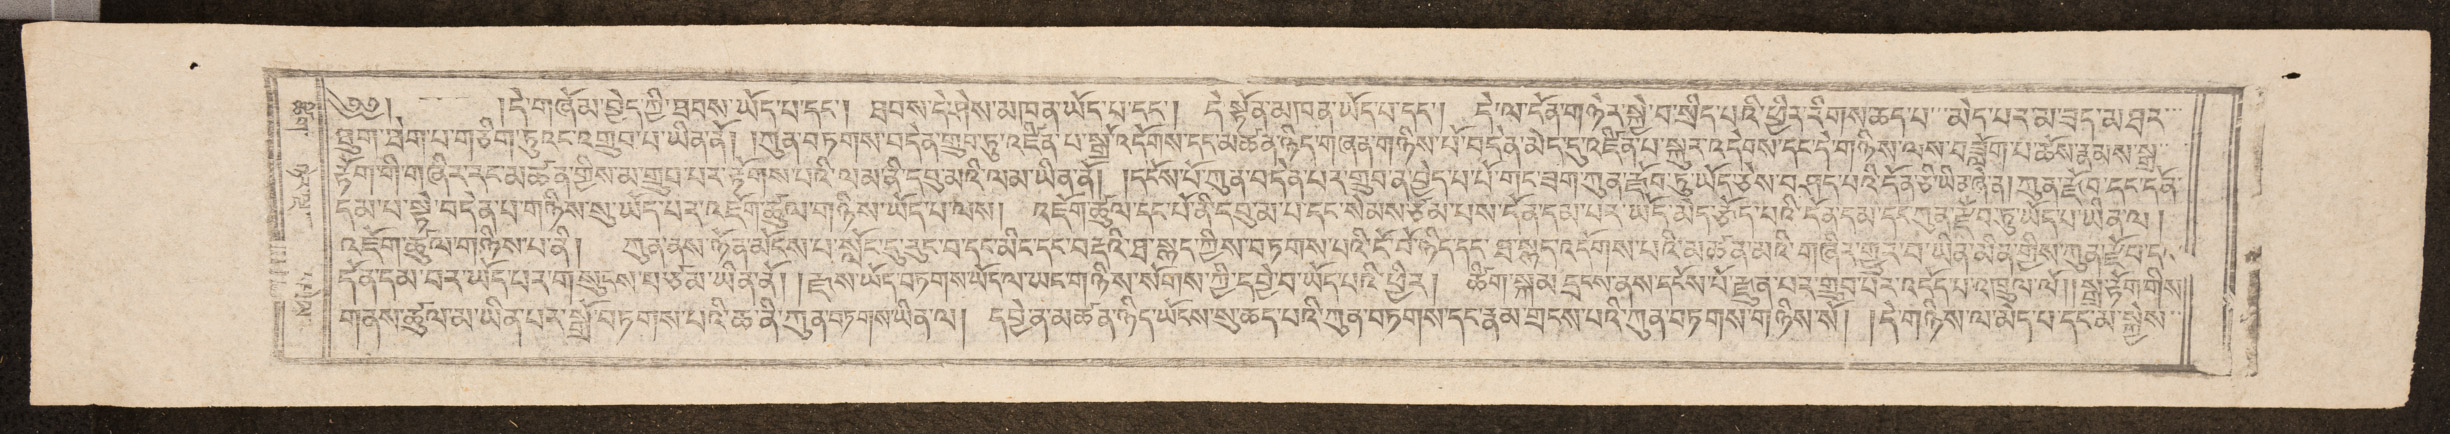༄༅། །དེ་གཞོམ་བྱེད་ཀྱི་ཐབས་ཡོད་པ་དང་། ཐབས་དེ་ཤེས་མཁན་ཡོད་པ་དང་། དེ་སྟོན་མཁན་ཡོད་པ་དང་། དེ་ལ་དོན་གཉེར་སྐྱེ་བ་སྲིད་པའི་ཕྱིར་རིགས་ཆད་པ་མེད་པར་མ་ཟད་མཐར་
ཐུག་ཐེག་པ་གཅིག་ཏུའང་འགྲུབ་པ་ཡིན་ནོ། །ཀུན་བཏགས་བདེན་གྲུབ་ཏུ་འཛིན་པ་སྒྲོ་འདོགས་དང་མཚན་ཉིད་གཞན་གཉིས་པོ་བདེན་མེད་དུ་འཛིན་པ་སྐུར་འདེབས་དང་དེ་གཉིས་ལས་བཟློག་པ་ཆོས་རྣམས་སྒྲ་
རྟོག་གི་གཞིར་རང་མཚན་གྱིས་མ་གྲུབ་པར་རྟོགས་པའི་ལམ་ནི་དབུ་མའི་ལམ་ཡིན་ནོ། །དངོས་པོ་ཀུན་བདེན་པར་གྲུབ་ན་བྱེད་པ་པོ་གང་ཟག་ཀུན་རྫོབ་ཏུ་ཡོད་ཅེས་བཤད་པའི་དོན་ཅི་ཡིན་ཞེ་ན། ཀུན་རྫོབ་དང་དོན་
དམ་པ་སྟེ་བདེན་པ་གཉིས་སུ་ཡོད་པར་འཇོག་ཚུལ་གཉིས་ཡོད་པ་ལས། འཇོག་ཚུལ་དང་པོ་ནི་དབུ་མ་པ་དང་སེམས་ཙམ་པས་དོན་དམ་པར་ཡོད་མེད་རྩོད་པའི་དོན་དམ་དང་ཀུན་རྫོབ་ཏུ་ཡོད་པ་ཡིན་ལ།
འཇོག་ཚུལ་གཉིས་པ་ནི། ཀུན་ནས་ཉོན་མོངས་པ་སློང་དུ་རུང་བ་དང་མིང་དང་བརྡའི་ཐ་སྙད་ཀྱིས་བཏགས་པའི་ངོ་བོ་ཉིད་དང་ཐ་སྙད་འདོགས་པའི་མཚན་མའི་གཞིར་གྱུར་བ་ཡིན་མིན་གྱིས་ཀུན་རྫོབ་དང་
དོན་དམ་བར་ཡོད་པར་གསུངས་པ་ཙམ་ཡིན་ནོ། །རྫས་ཡོད་བཏགས་ཡོད་ལ་ཡང་གཉིས་སོགས་ཀྱི་དབྱེ་བ་ཡོད་པའི་ཕྱིར། ཚིག་སྐམ་དྲངས་ནས་དངོས་པོ་རྫུན་པར་གྲུབ་པར་འཁྲུལ་ལོ། །སྒྲ་རྟོག་གིས་
གནས་ཚུལ་མ་ཡིན་པར་སྒྲོ་བཏགས་པའི་ཆ་ནི་ཀུན་བཏགས་ཡིན་ལ། དབྱེ་ན་མཚན་ཉིད་ཡོངས་སུ་ཆད་པའི་ཀུན་བཏགས་དང་རྣམ་གྲངས་པའི་ཀུན་བཏགས་གཉིས་སོ། །དེ་གཉིས་ལ་མེད་པ་དང་མ་སྐྱེས་